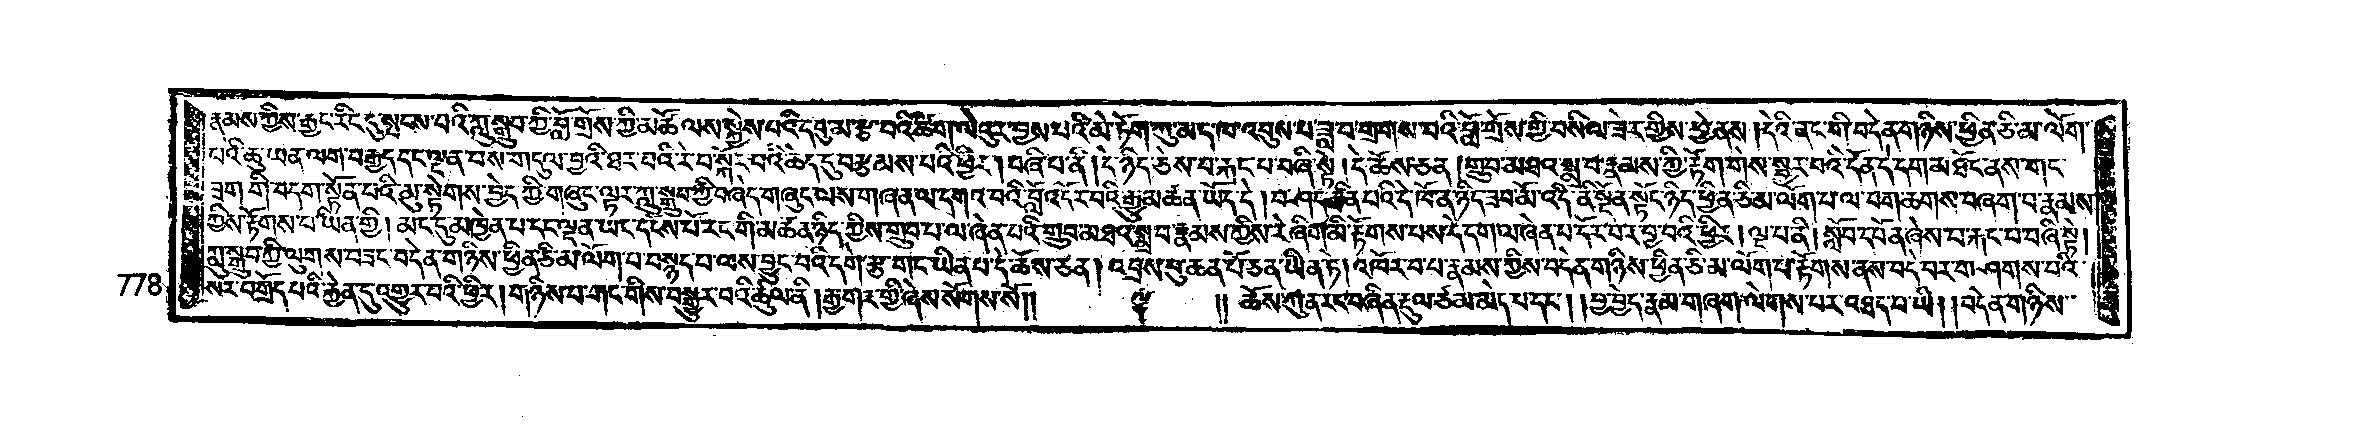རྣམས་ཀྱིས་རྒྱང་རིང་དུ་སྤངས་པའི་ཀླུ་སྒྲུབ་ཀྱི་བློ་གྲོས་ཀྱི་མཚོ་ལས་སྐྱེས་པའི་དབུ་མ་རྩ་བའི་ཚིག་ལེའུར་བྱས་པའི་མེ་ཏོག་ཀུ་མད་ཁ་འབུས་པ་ཟླ་བ་གྲགས་པའི་བློ་གྲོས་ཀྱི་བསིལ་ཟེར་གྱིས་ཕྱེ་ནས། དེའི་ནང་གི་བདེན་གཉིས་ཕྱིན་ཅི་མ་ལོག་
པའི་ཆུ་ཡན་ལག་བརྒྱད་དང་ལྡན་པས་གདུལ་བྱའི་ཐར་བའི་རེ་བ་སྐོར་བའི་ཆེད་དུ་བརྩམས་པའི་ཕྱིར། བཞི་པ་ནི། དེ་ཉིད་ཅེས་པ་རྐང་པ་བཞི་སྟེ། དེ་ཆོས་ཅན། གྲུབ་མཐའ་སྨྲ་བ་རྣམས་ཀྱི་རྟོག་གེས་སྦྱར་བའི་དོན་དེ་དག་མཐོང་ནས་གང་
ཟག་གི་བདག་སྟོན་པའི་མུ་སྟེགས་བྱེད་ཀྱི་གཞུང་ལྟར་ཀླུ་སྒྲུབ་ཀྱི་བཞེད་གཞུང་ལས་གཞན་ལ་དགའ་བའི་བློ་འདོར་བའི་རྒྱུ་མཚན་ཡོད་དེ། བཤད་ཟིན་པའི་དེ་ཁོ་ན་ཉིད་ཟབ་མོ་འདི་ནི་སྔོན་སྟོང་ཉིད་ཕྱིན་ཅི་མ་ལོག་པ་ལ་བག་ཆགས་བཞག་པ་རྣམས་
ཀྱིས་རྟོགས་པ་ཡིན་གྱི། མང་དུ་མཁྱེན་པ་དང་ལྡན་ཡང་དངོས་པོ་རང་གི་མཚན་ཉིད་ཀྱིས་གྲུབ་པ་ལ་ཞེན་པའི་གྲུབ་མཐའ་སྨྲ་བ་རྣམས་ཀྱིས་རེ་ཞིག་མི་རྟོགས་པས་དེ་དག་ལ་ཞེན་པ་དོར་བར་བྱ་བའི་ཕྱིར། ལྔ་པ་ནི། སློབ་དཔོན་ཞེས་པ་རྐང་པ་བཞི་སྟེ།
ཀླུ་སྒྲུབ་ཀྱི་ལུགས་བཟང་བདེན་གཉིས་ཕྱིན་ཅི་མ་ལོག་པ་བསྙད་པ་ལས་བྱུང་བའི་དགེ་རྩ་གང་ཡིན་པ་དེ་ཆོས་ཅན། འབྲས་བུ་ཆེན་པོ་ཅན་ཡིན་ཏེ། འཁོར་བ་པ་རྣམས་ཀྱིས་བདེན་གཉིས་ཕྱིན་ཅི་མ་ལོག་པ་རྟོགས་ནས་བདེ་བར་གཤེགས་པའི་
སར་བགྲོད་པའི་རྐྱེན་དུ་འགྱུར་བའི་ཕྱིར། གཉིས་པ་གང་གིས་བསྒྱུར་པའི་ཚུལ་ནི། རྒྱ་གར་གྱི་ཞེས་སོགས་སོ།། ༈ །།ཆོས་ཀུན་རང་བཞིན་རྡུལ་ཙམ་མེད་པ་དང་། །བྱ་བྱེད་རྣམ་གཞག་ལེགས་པར་འཐད་པ་ཡི། །བདེན་གཉིས་